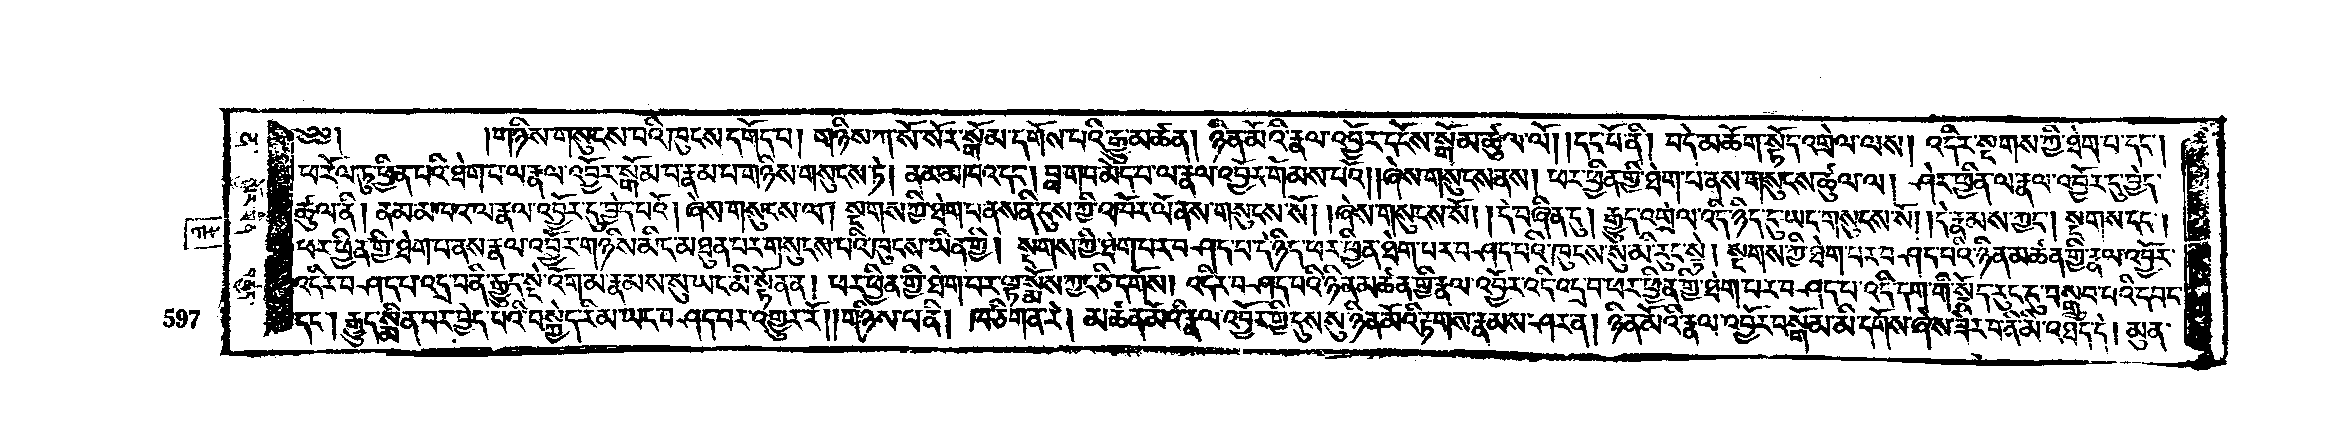༄༅། །གཉིས་གསུངས་པའི་ཁུངས་དགོད་པ། གཉིས་ཀ་སོ་སོར་སྒོམ་དགོས་པའི་རྒྱུ་མཚན། ཉིན་མོའི་རྣལ་འབྱོར་དངོས་སྒོམ་ཚུལ་ལོ། །དང་པོ་ནི། བདེ་མཆོག་སྟོད་འགྲེལ་ལས། འདིར་སྔགས་ཀྱི་ཐེག་པ་དང་།
ཕ་རོལ་ཏུ་ཕྱིན་པའི་ཐེག་པ་ལ་རྣལ་འབྱོར་སྒོམ་པ་རྣམ་པ་གཉིས་གསུངས་ཏེ། ནམ་མཁའ་དང་། བླ་གབ་མེད་པ་ལ་རྣལ་འབྱོར་གོམས་པའོ། །ཞེས་གསུངས་ནས། ཕར་ཕྱིན་གྱི་ཐེག་པ་ནས་གསུངས་ཚུལ་ལ། ཤེར་ཕྱིན་ལ་རྣལ་འབྱོར་དུ་བྱེད་
ཚུལ་ནི། ནམ་མཁའ་ལ་རྣལ་འབྱོར་དུ་བྱེད་པའོ། ཞེས་གསུངས་ལ། སྔགས་ཀྱི་ཐེག་པ་ནས་ནི་དུས་ཀྱི་འཁོར་ལོ་ནས་གསུངས་སོ། །ཞེས་གསུངས་སོ། །དེ་བཞིན་དུ། རྒྱུད་འགྲེལ་འདི་ཉིད་དུ་ཡང་གསུངས་སོ། །དེ་རྣམས་ཀྱང་། སྔགས་དང་།
ཕར་ཕྱིན་གྱི་ཐེག་པ་ནས་རྣལ་འབྱོར་གཉིས་མིང་མཐུན་པར་གསུངས་པའི་ཁུངས་ཡིན་གྱི། སྔགས་ཀྱི་ཐེག་པར་བཤད་པ་དེ་ཉིད་ཕར་ཕྱིན་ཐེག་པར་བཤད་པའི་ཁུངས་སུ་མི་རུང་སྟེ། སྔགས་ཀྱི་ཐེག་པར་བཤད་པའི་ཉིན་མཚན་གྱི་རྣལ་འབྱོར་
འདིར་བཤད་པ་འདྲ་བ་ནི་རྒྱུད་སྡེ་འོག་མ་རྣམས་སུ་ཡང་མི་སྟོན་ན། ཕར་ཕྱིན་གྱི་ཐེག་པར་ལྟ་སྨོས་ཀྱང་ཅི་དགོས། འདིར་བཤད་པའི་ཉིན་མཚན་གྱི་རྣལ་འབྱོར་འདི་འདྲ་བ་ཕར་ཕྱིན་གྱི་ཐེག་པར་བཤད་པ་འདི་དག་གི་སྣོད་རུང་དུ་བསྒྲུབ་པའི་དབང་
དང་། རྒྱུད་སྨིན་པར་བྱེད་པའི་བསྐྱེད་རིམ་ཡང་བཤད་པར་འགྱུར་རོ། །གཉིས་པ་ནི། ཁ་ཅིག་ན་རེ། མཚན་མོའི་རྣལ་འབྱོར་གྱི་དུས་སུ་ཉིན་མོའི་རྟགས་རྣམས་ཤར་ན། ཉིན་མོའི་རྣལ་འབྱོར་བསྒོམ་མི་དགོས་ཞེས་ཟེར་བ་ནི་མི་འཐད་དེ། མུན་